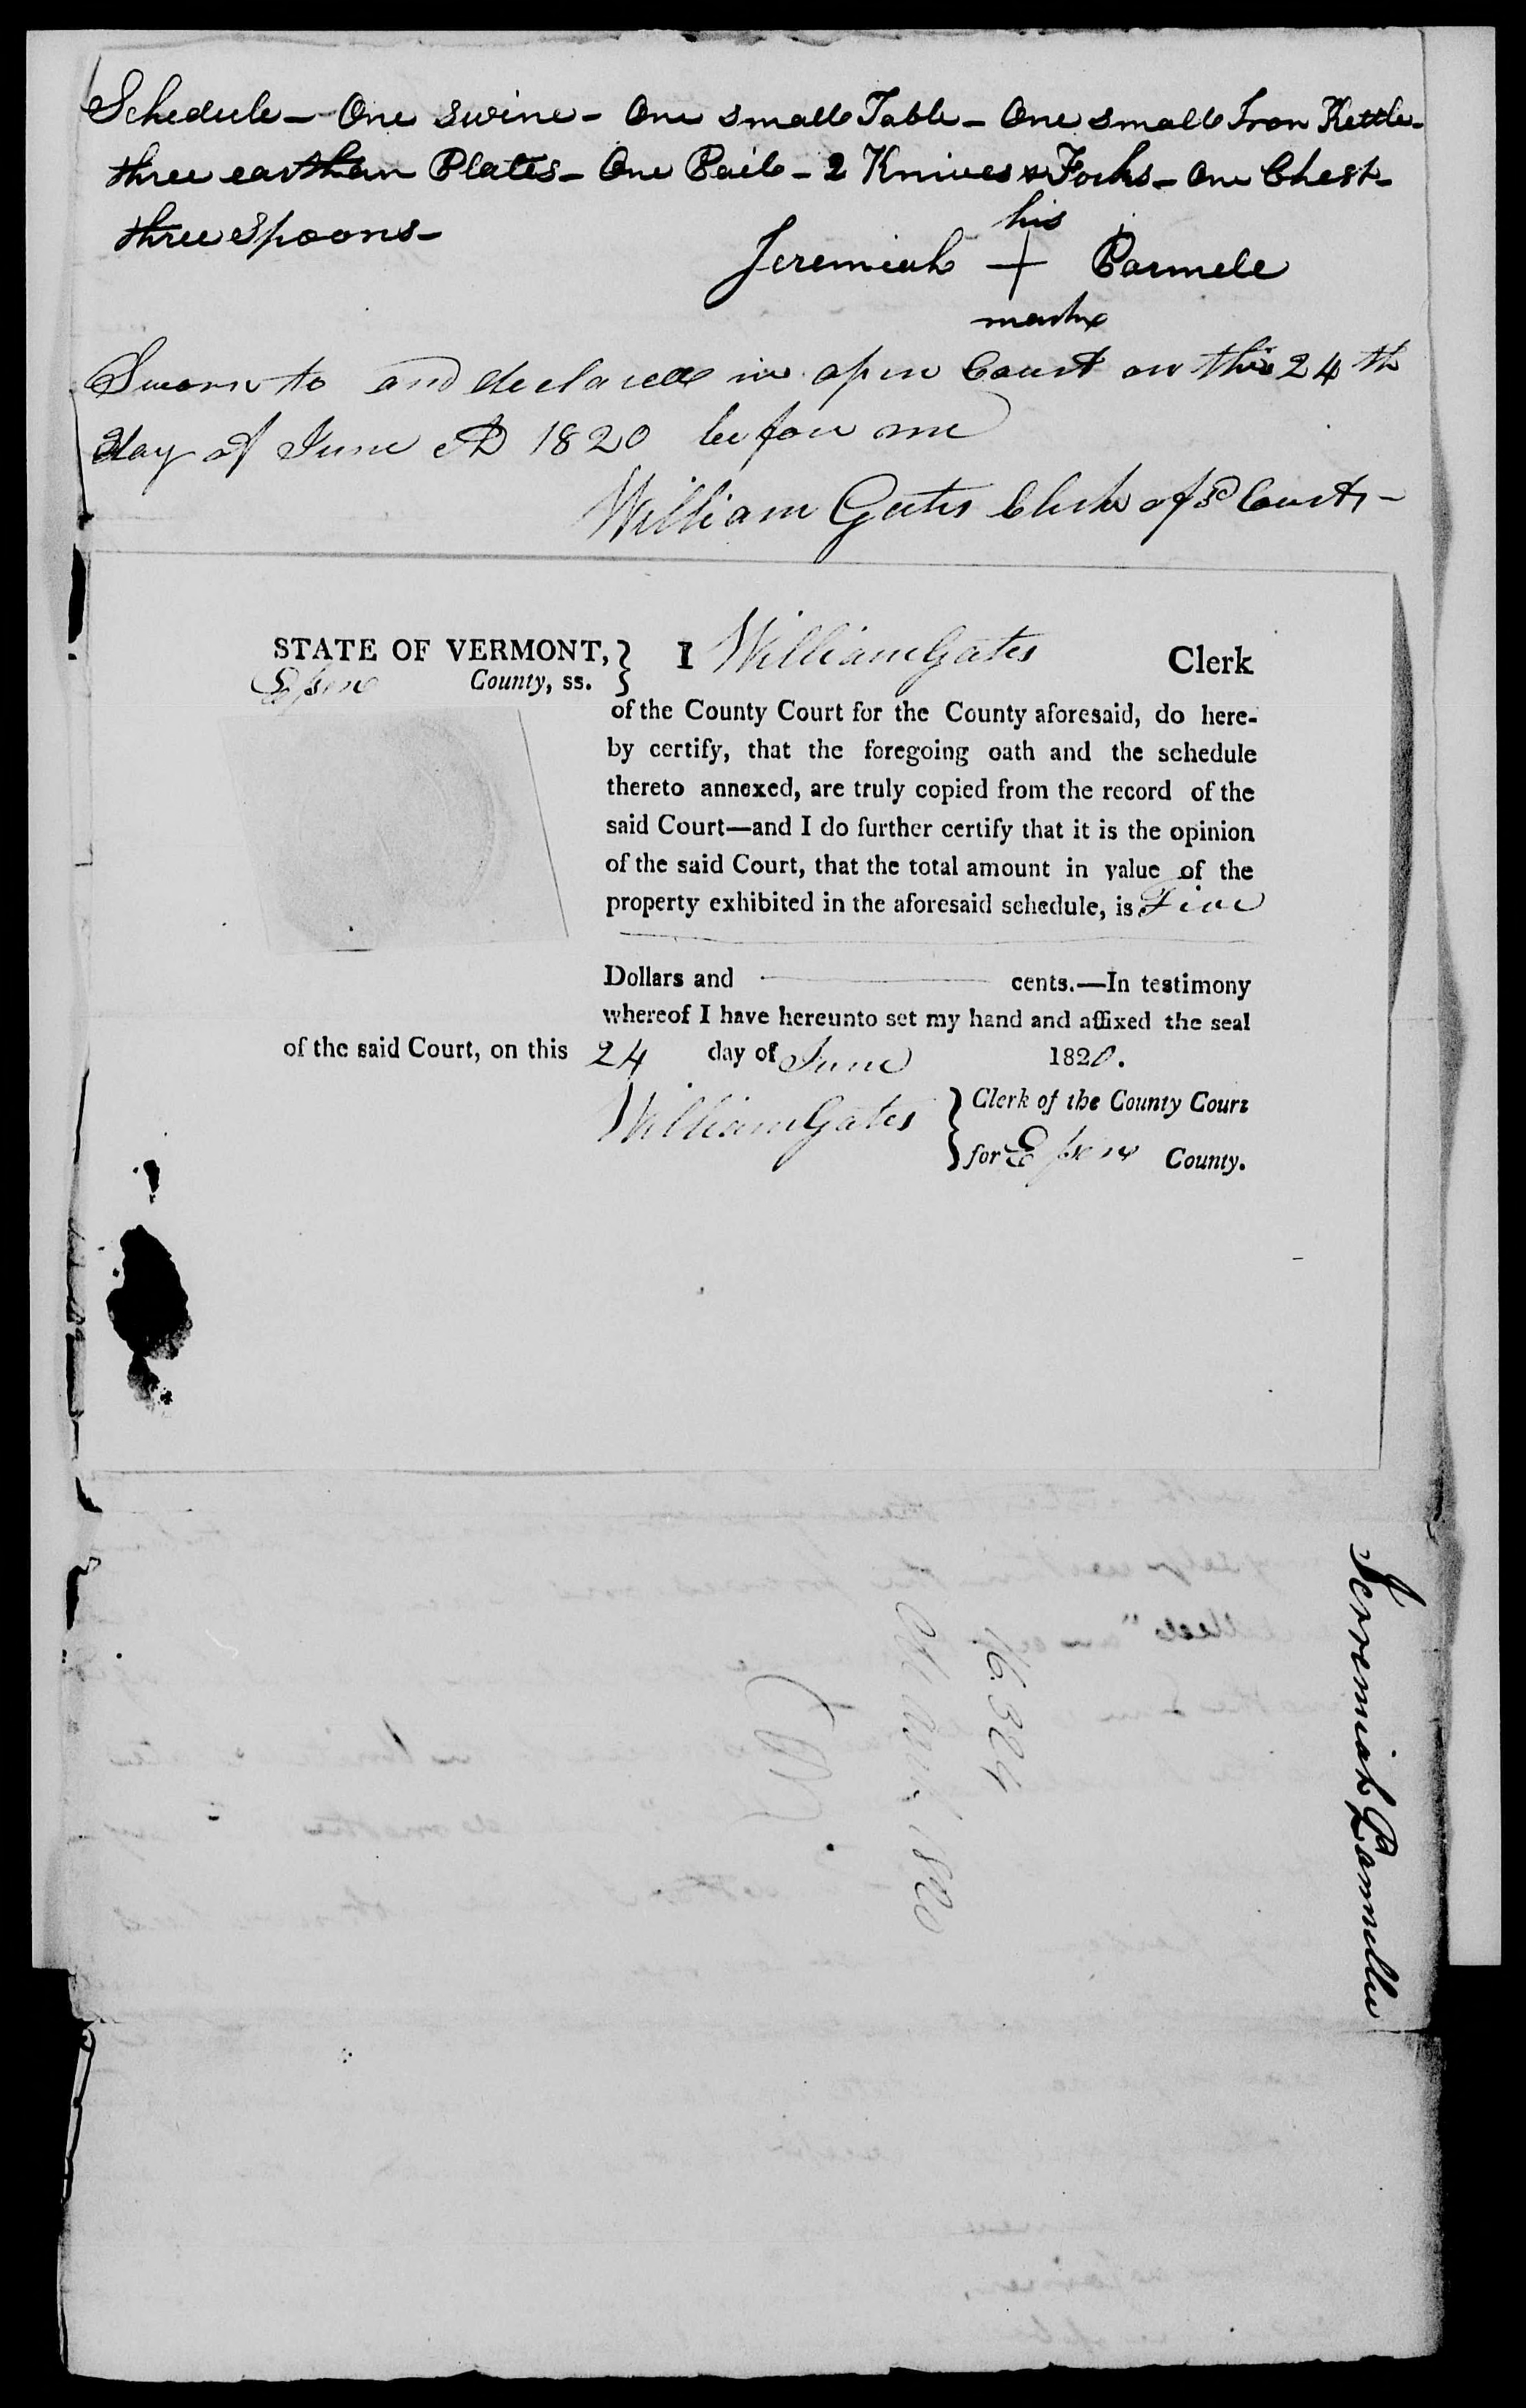Schedule - One swine- One Small Table - one small iron Kettle three earthen plates. One pail 2 Knives & Forks one chest three Spoons-
Jeremiah Parmell (his mark)

Sworn to and declared in open Court on this  24th day of June AD 1820 before me
William Gates Clerk of Court

State of Vermont
Essex County, ss.
I, William Gates Clerk of the County Court for the County aforesaid, do hereby certify, that the foregoing oath and the schedule thereto annexed, are truly copied from the record of the said Court--and I do further certify that it is the opinion of the said Court, that the total amount in value of the property exhibited in the aforesaid schedule, is five Dollars and --- 
cents. - In testimony whereof I have hereunto set my hand and affixed the seal of the said cournt on this 24 day of June 1820.
William Gates
Clerk of the County Court
for Essex County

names: Jeremiah Parmellee; Jeremiah Parmele; William Gates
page: 11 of 11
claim: survivor's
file: S. 41,048, for Jeremiah Parmalee, Connecticut